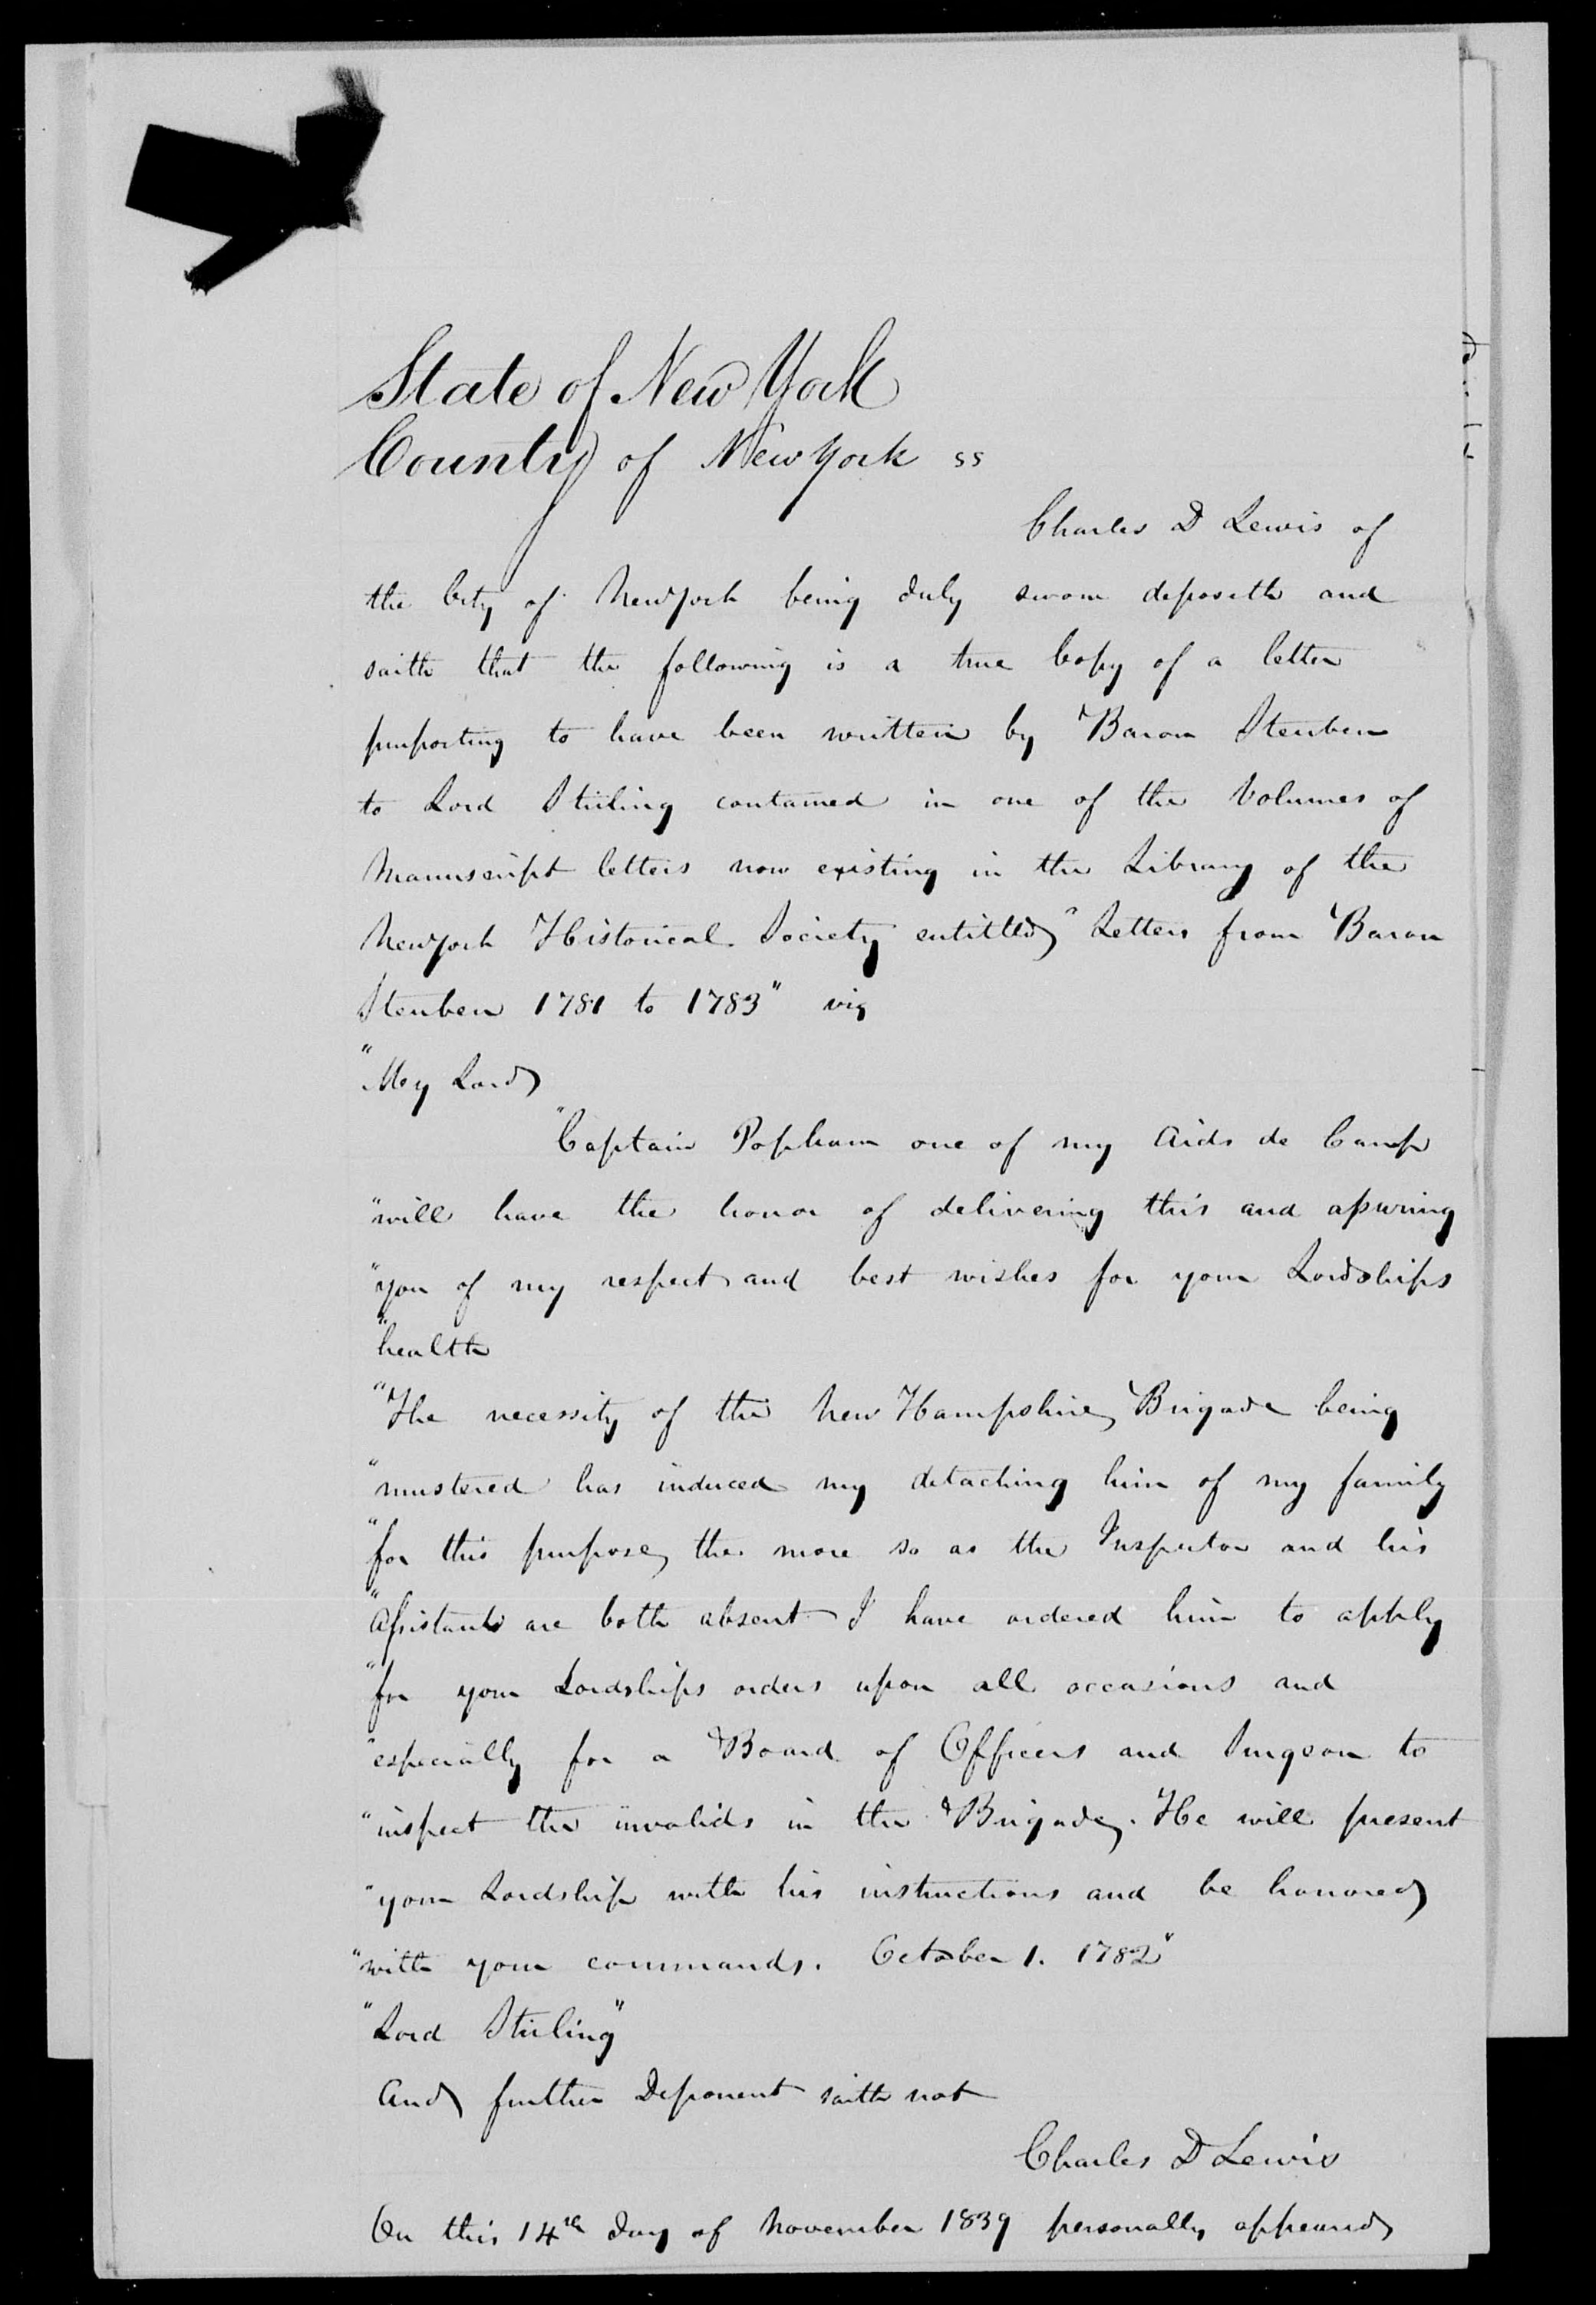State of New York
County of New York SS
Charles D Lewis of
of New York being duly sworn deposeth and
saith that the following is a true Copy of a letter
purporting to have been written by Baron Steuben
to Lord Sterling contained in one of the volumes of
manuscript letters now existing in the Library of the
New York Historical Society entitled" Letter from Baron
Steuben 1781 to 1783" viz
"My Lord
"Captain Popham one of my Aide de Camp
"will have the honor of delivering this and assuring
"you of my respect and best wishes for your Lordships
health
"The necessity of the New Hampshire Brigade being
"mustered has induced my detaching him of my family
"for this purpose the more so as the Inspector and his
"Assistants are both absent I have ordered him to apply
"for your Lordships orders upon all occasions and
"especially for a Board of Officers and Surgeon to
to
"inspect the invalids in the Brigade. He will present
"your Lordship with his instructions and be honored
"with your commands. October 1. 1782"
"Lord Stirling"
And further Deponent saith not
Charles D Lewis
On this 14th day of November 1839 personally appeared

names: Baron Steuben; Charles D Lewis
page: 56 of 75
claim: survivor's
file: S. 9989, for William Popham, Delaware